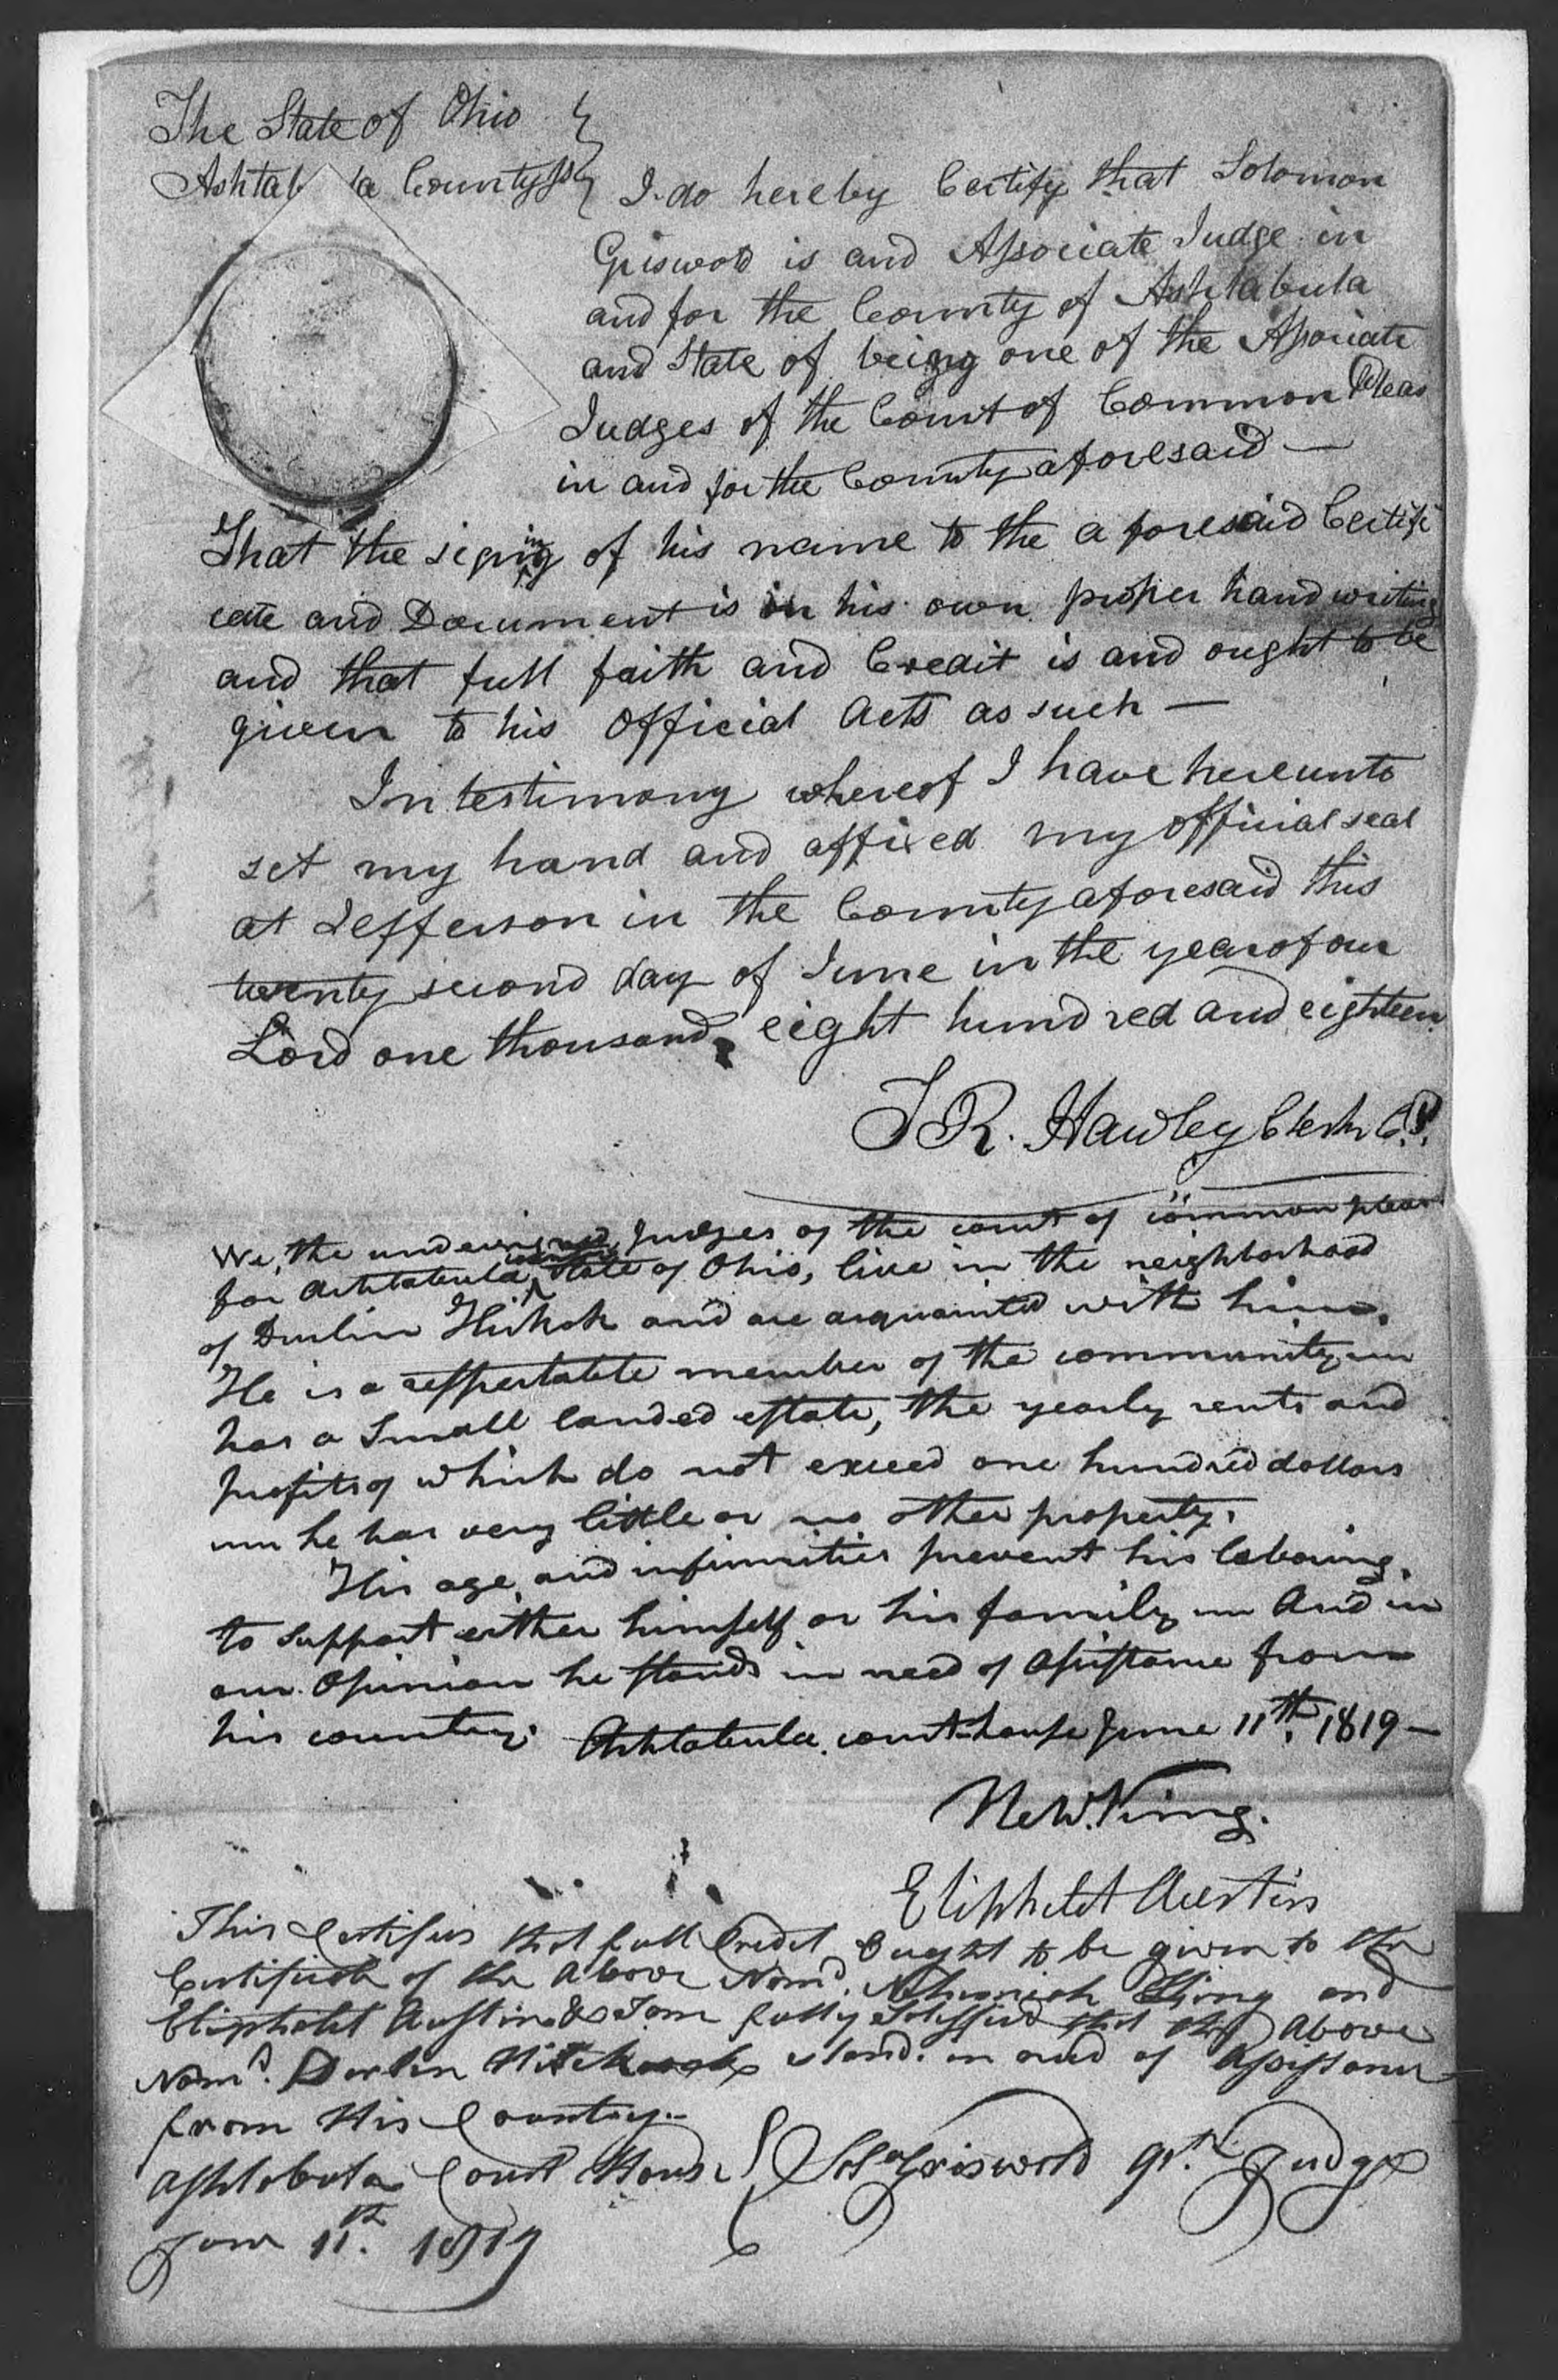[illegible seal appears cut out and affixed to the upper left of the document]
The State of Ohio 
Ashtabula County }
I do hereby certify that Solomon Griswold is and Associate Judge in and for the County of Ashtalula and State of being one of the Associate Judges of the Court of Common Pleas in and for the County aforesaid -
That the signing of his name to the aforesaid Certificate and Document is in his own proper handwriting and that full faith and Credit is and ought to be given to his official acts as such-
In testimony whereof I have hereunto set my hand and affixed my official seal at Jefferson in the County aforesaid this twenty second day of June in the year of our Lord one thousand eight hundred and eighteen
T. R. Hawley Clerk C.P.
We the undersigned Judges of the court of common pleas for Ashtabula County State of Ohio, live in the neighborhood of Durlin Hickok and are acquainted with him. He is a supportable member of the community - has a small landed estate, the yearly rents and profits of which do not exceed one hundred dollars - he has very little or no other property.
His age, and infirmities prevent his laboring to support either himself or his family - And in our opinion he stands in need of assistance from his country. Ashtabula courthouse June 11th, 1819-
Neh King
Elizabeth Austin
This certifies that full credit ought to be given to the certificate of the above named Nehemiah King and Elizabeth Austin. & Tom Rolly [illegible] that of above named Durlin Hickok in need of assistance from His country.
Ashtabula Court House Soln [Solomon] Griswold [illegible] Judge 
June 11th 1917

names: Durlin Hickok, Nehemiah King, Eliphelet Austin, Solo Griswold, Neh King, T R Hawley, Dorlin Hitchcock, Eliphelet Austin, Tom Rolly, Solomon Griswold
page: 34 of 45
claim: widow's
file: W. 4988, Durlin Hickok, Mass.